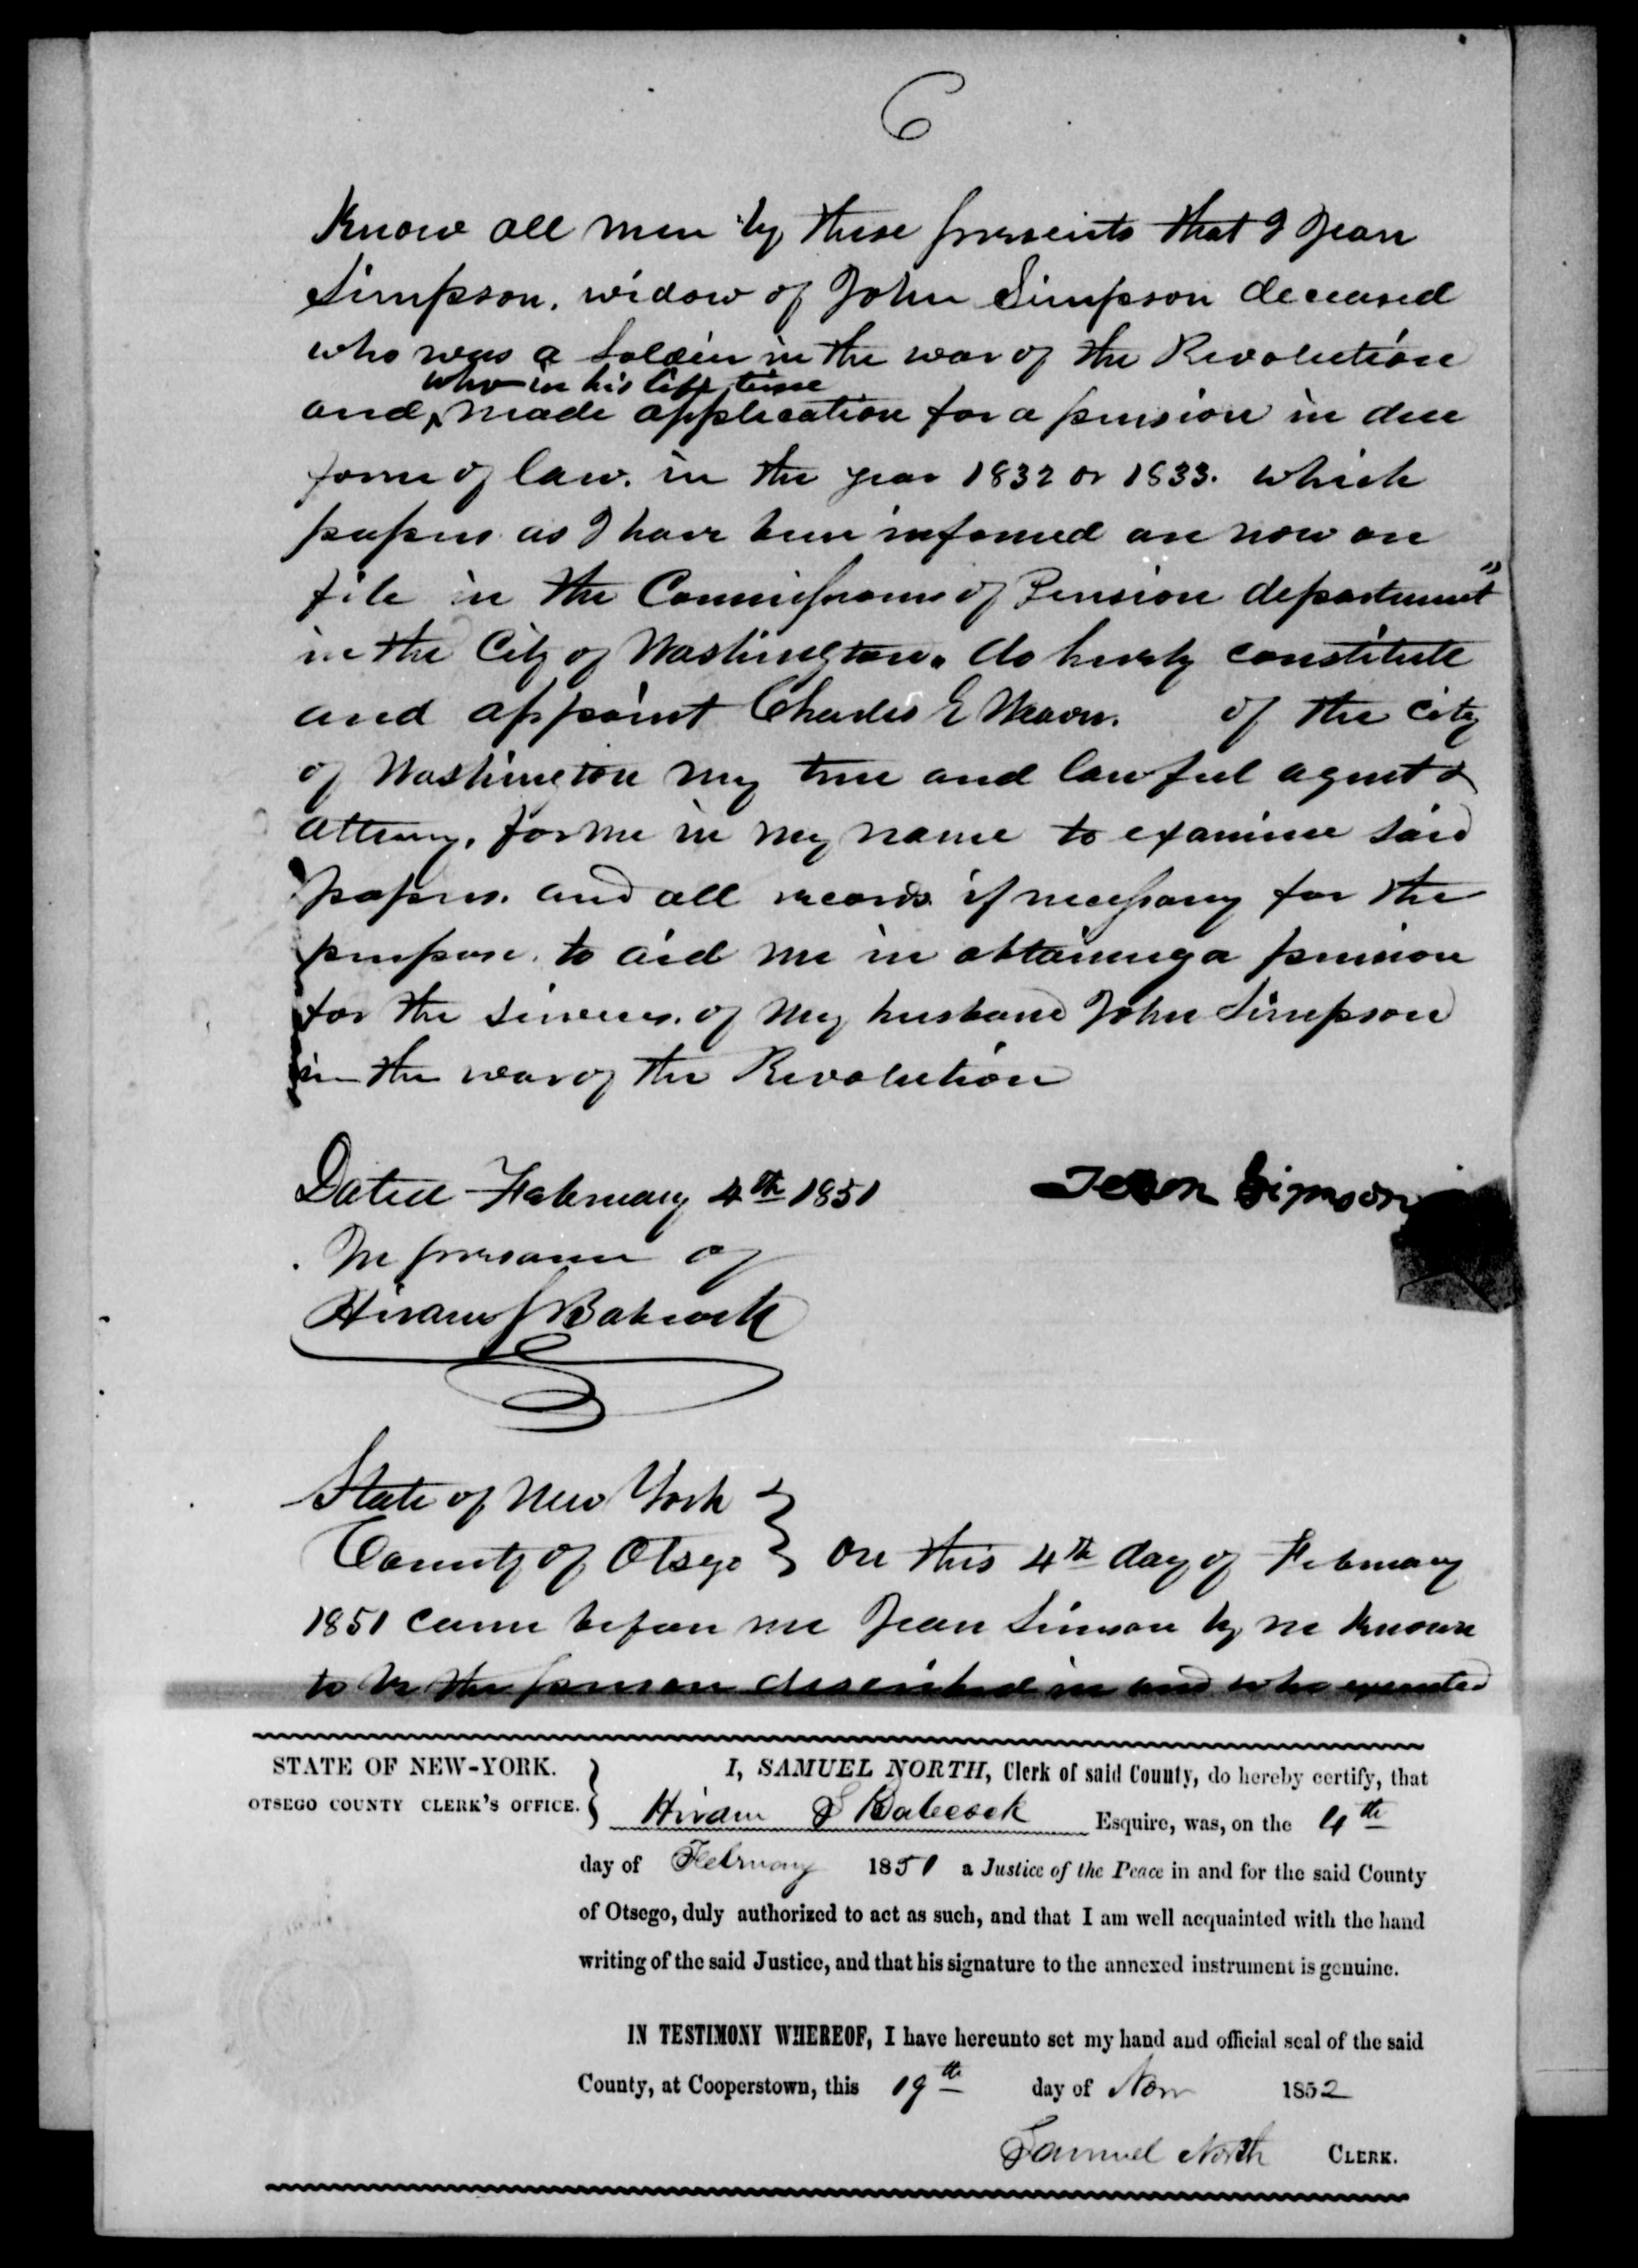6
Know all men by these presents that I Jean Simpson, widow of John Simpson deceased who was a Soldier in the war of the Revolution and who in his life time made application for a pension in due force of law in the year 1832 or 1833, Which papers as I have been informed are now on file in the Commissioner of Pension department in the City of Washington, do hereby constitute and appoint Charles E Weaver of the city of Washington my true and lawful agent & attorney for me in my name to examine said papers and all records if necessary for the purpose to aid me in obtaining a pension for the services of my husband John Simpson in the war of the Revolution  [signed] Jean Simson
Dated February 4th 1851 In presence of [signed] Hiram S Babcock
State of New York County of Otsego
On this 4th day of February 1851 came before me Jean Simson by me known to be the person described in and who executed

[printed form with handwritten entries at bottom of page]
STATE OF NEW-YORK. OTSEGO COUNTY CLERK'S OFFICE.
I, SAMUEL NORTH, Clerk of said County, do hereby certify, that Hiram S Babcock Esquire, was, on the 4th day of February 1851 a Justice of the Peace in and for the said County of Otsego, duly authorized to act as such, and that I am well acquainted with the hand writing of the said Justice, and that his signature to the annexed instrument is genuine.
IN TESTIMONY WHEREOF, I have hereunto set my hand and official seal of the said County, at Cooperstown, this 19th day of Nov 1852 [signed] Samuel North CLERK.
[seal affixed to the left]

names: Jean Simson; Samuel North; Hiram S Babcock; Jean Simson; John Simpson; Hiram S Babcock; Samuel North; John Simpson; Charles E Weaver; Jean Simpson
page: 9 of 35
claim: rejected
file: R. 9601, for John Simson, New Jersey